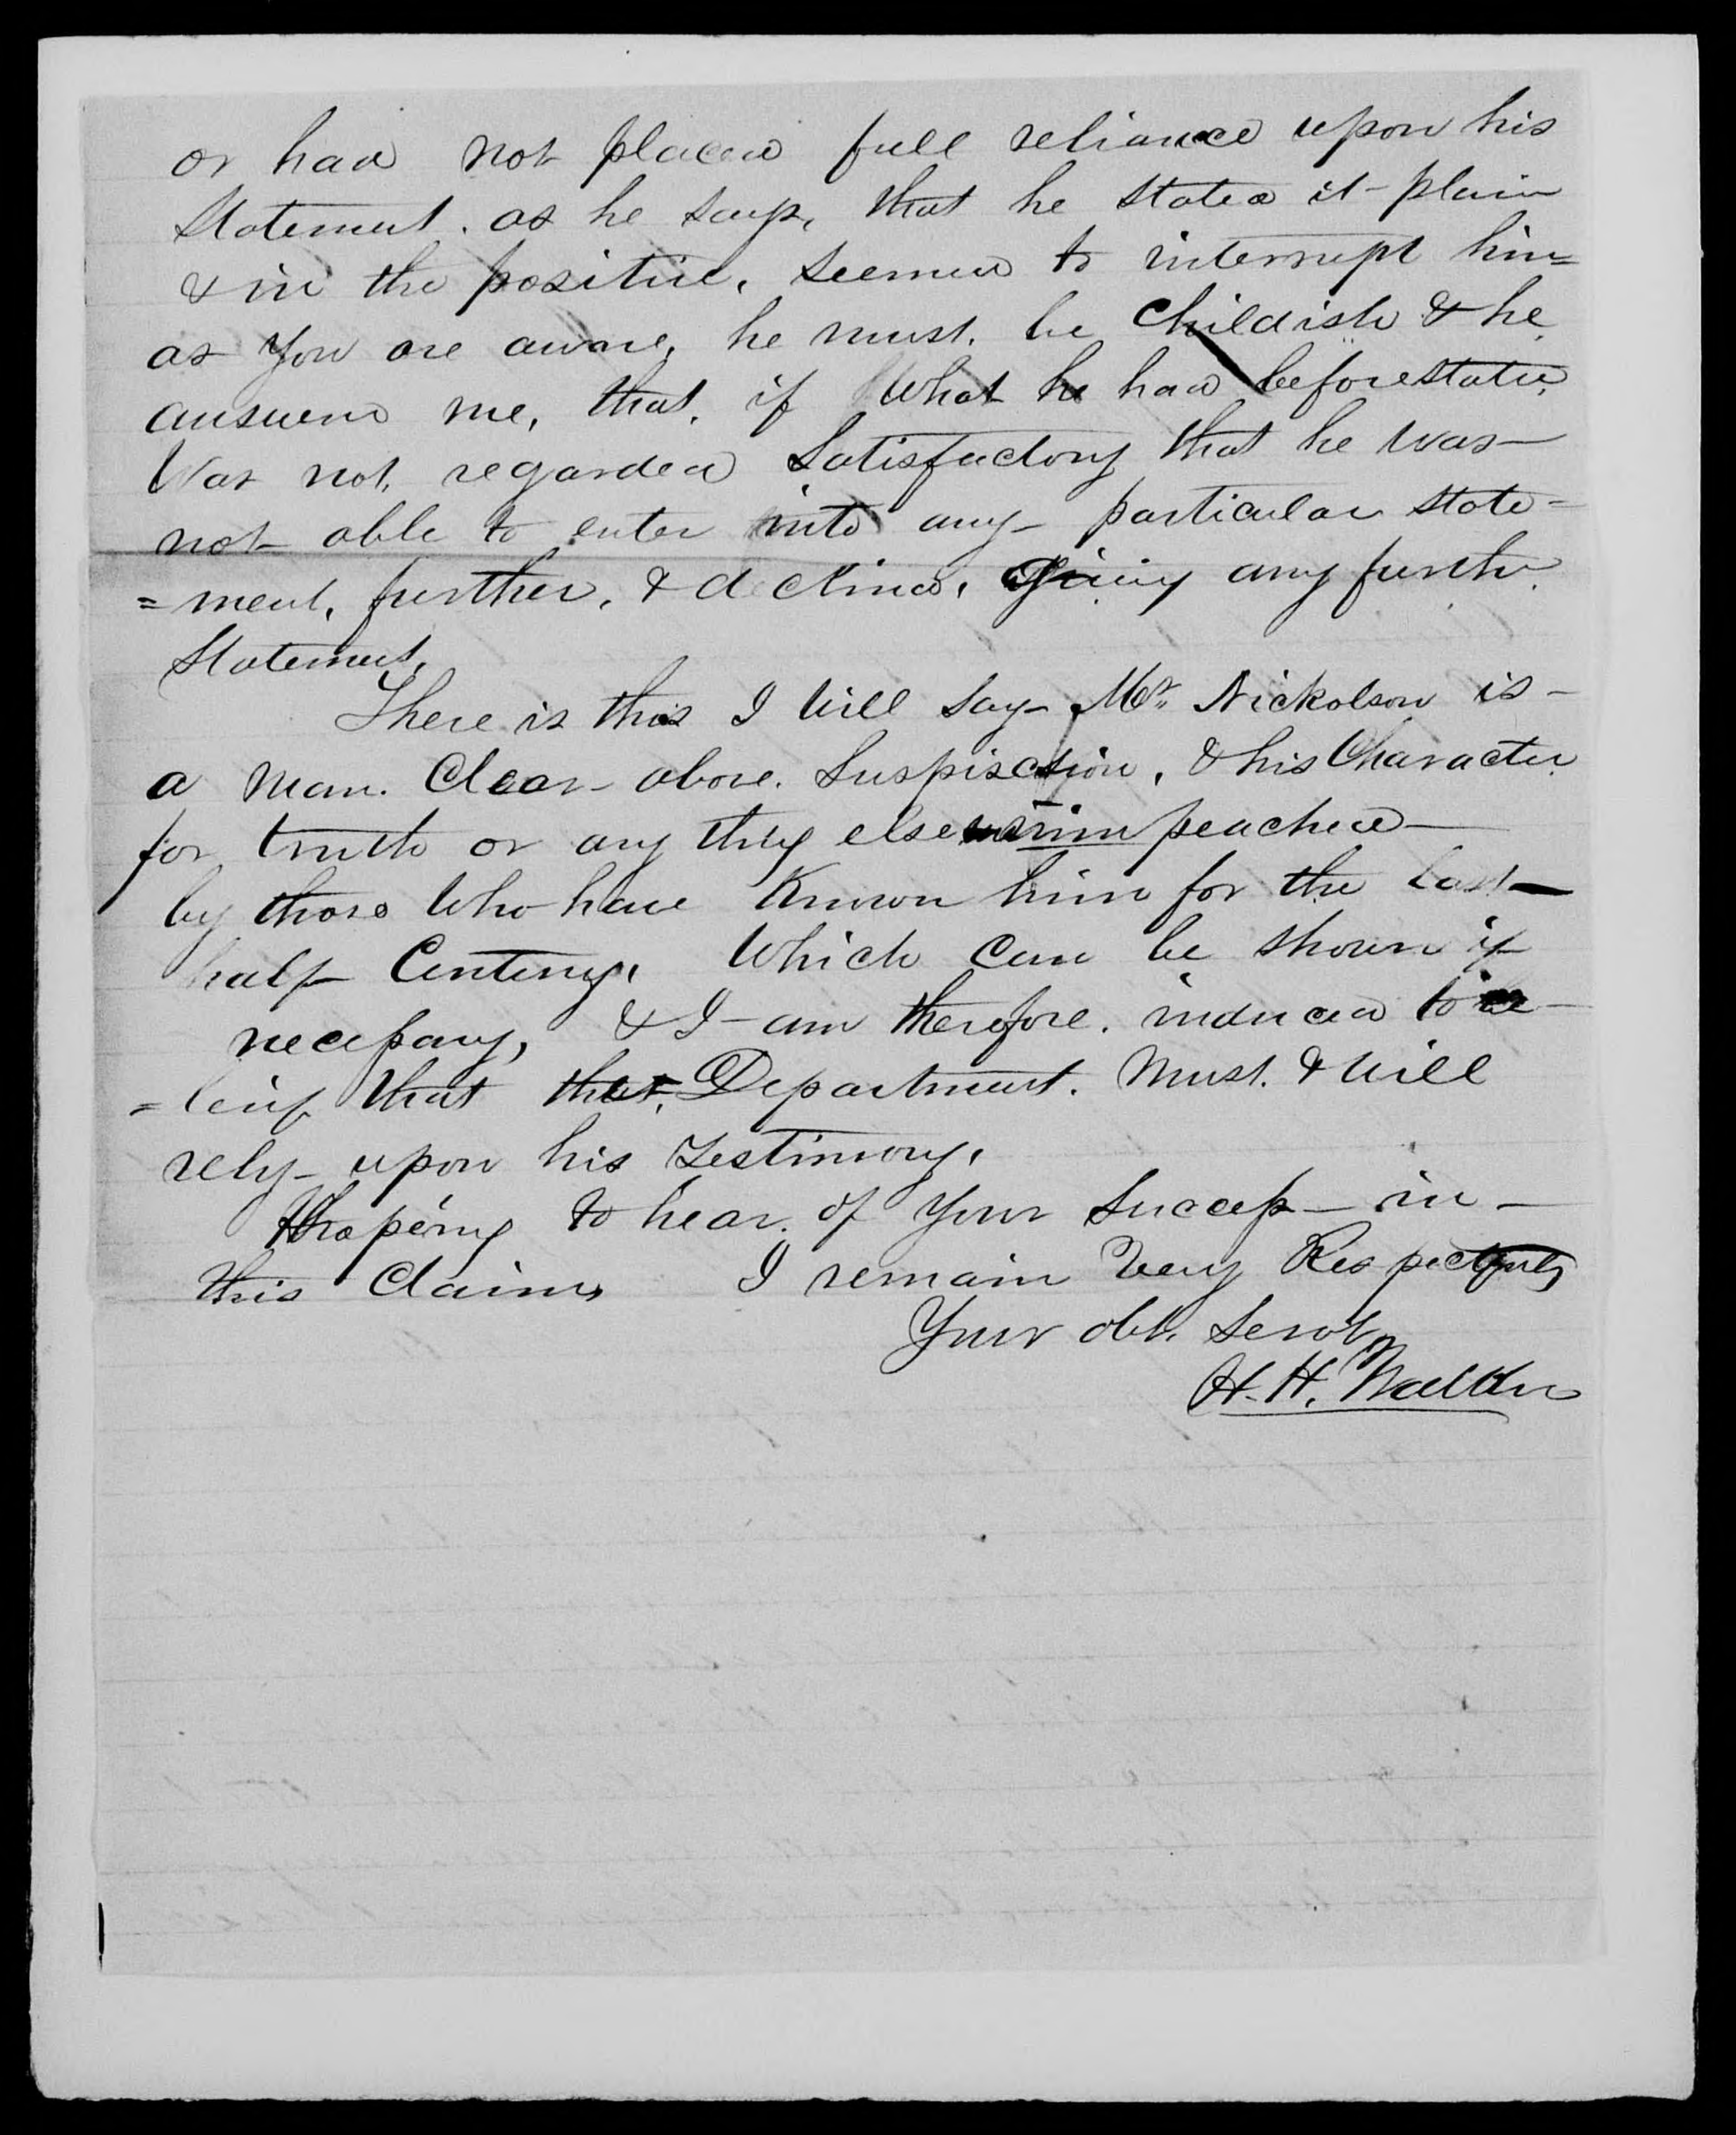or have not placed full reliance upon his statement as he says that he stated it plain & in the positive. Seemed to interrupt him as you are aware, he must be childish & he answers me, that if what he had before stated has not regarded satisfactory that he was not able to enter into any particular statement further & declined any further statement. 
There is this I will say - Mrs. Nickolson is a man. Clear above. Suspicion. His character for truth or anything else  impeached by those who have known him for the last half century which case he shown if necessary, and I am therefore () to believe that this Department must & will act upon his testimony. 
HOping to hear of your suspicion this claim. I remain very respectfully your ob. service. H.H. Walker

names: H H Walker, Nickolson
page: 35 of 108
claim: rejected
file: R. 7,515, John Hudgins, N.C.